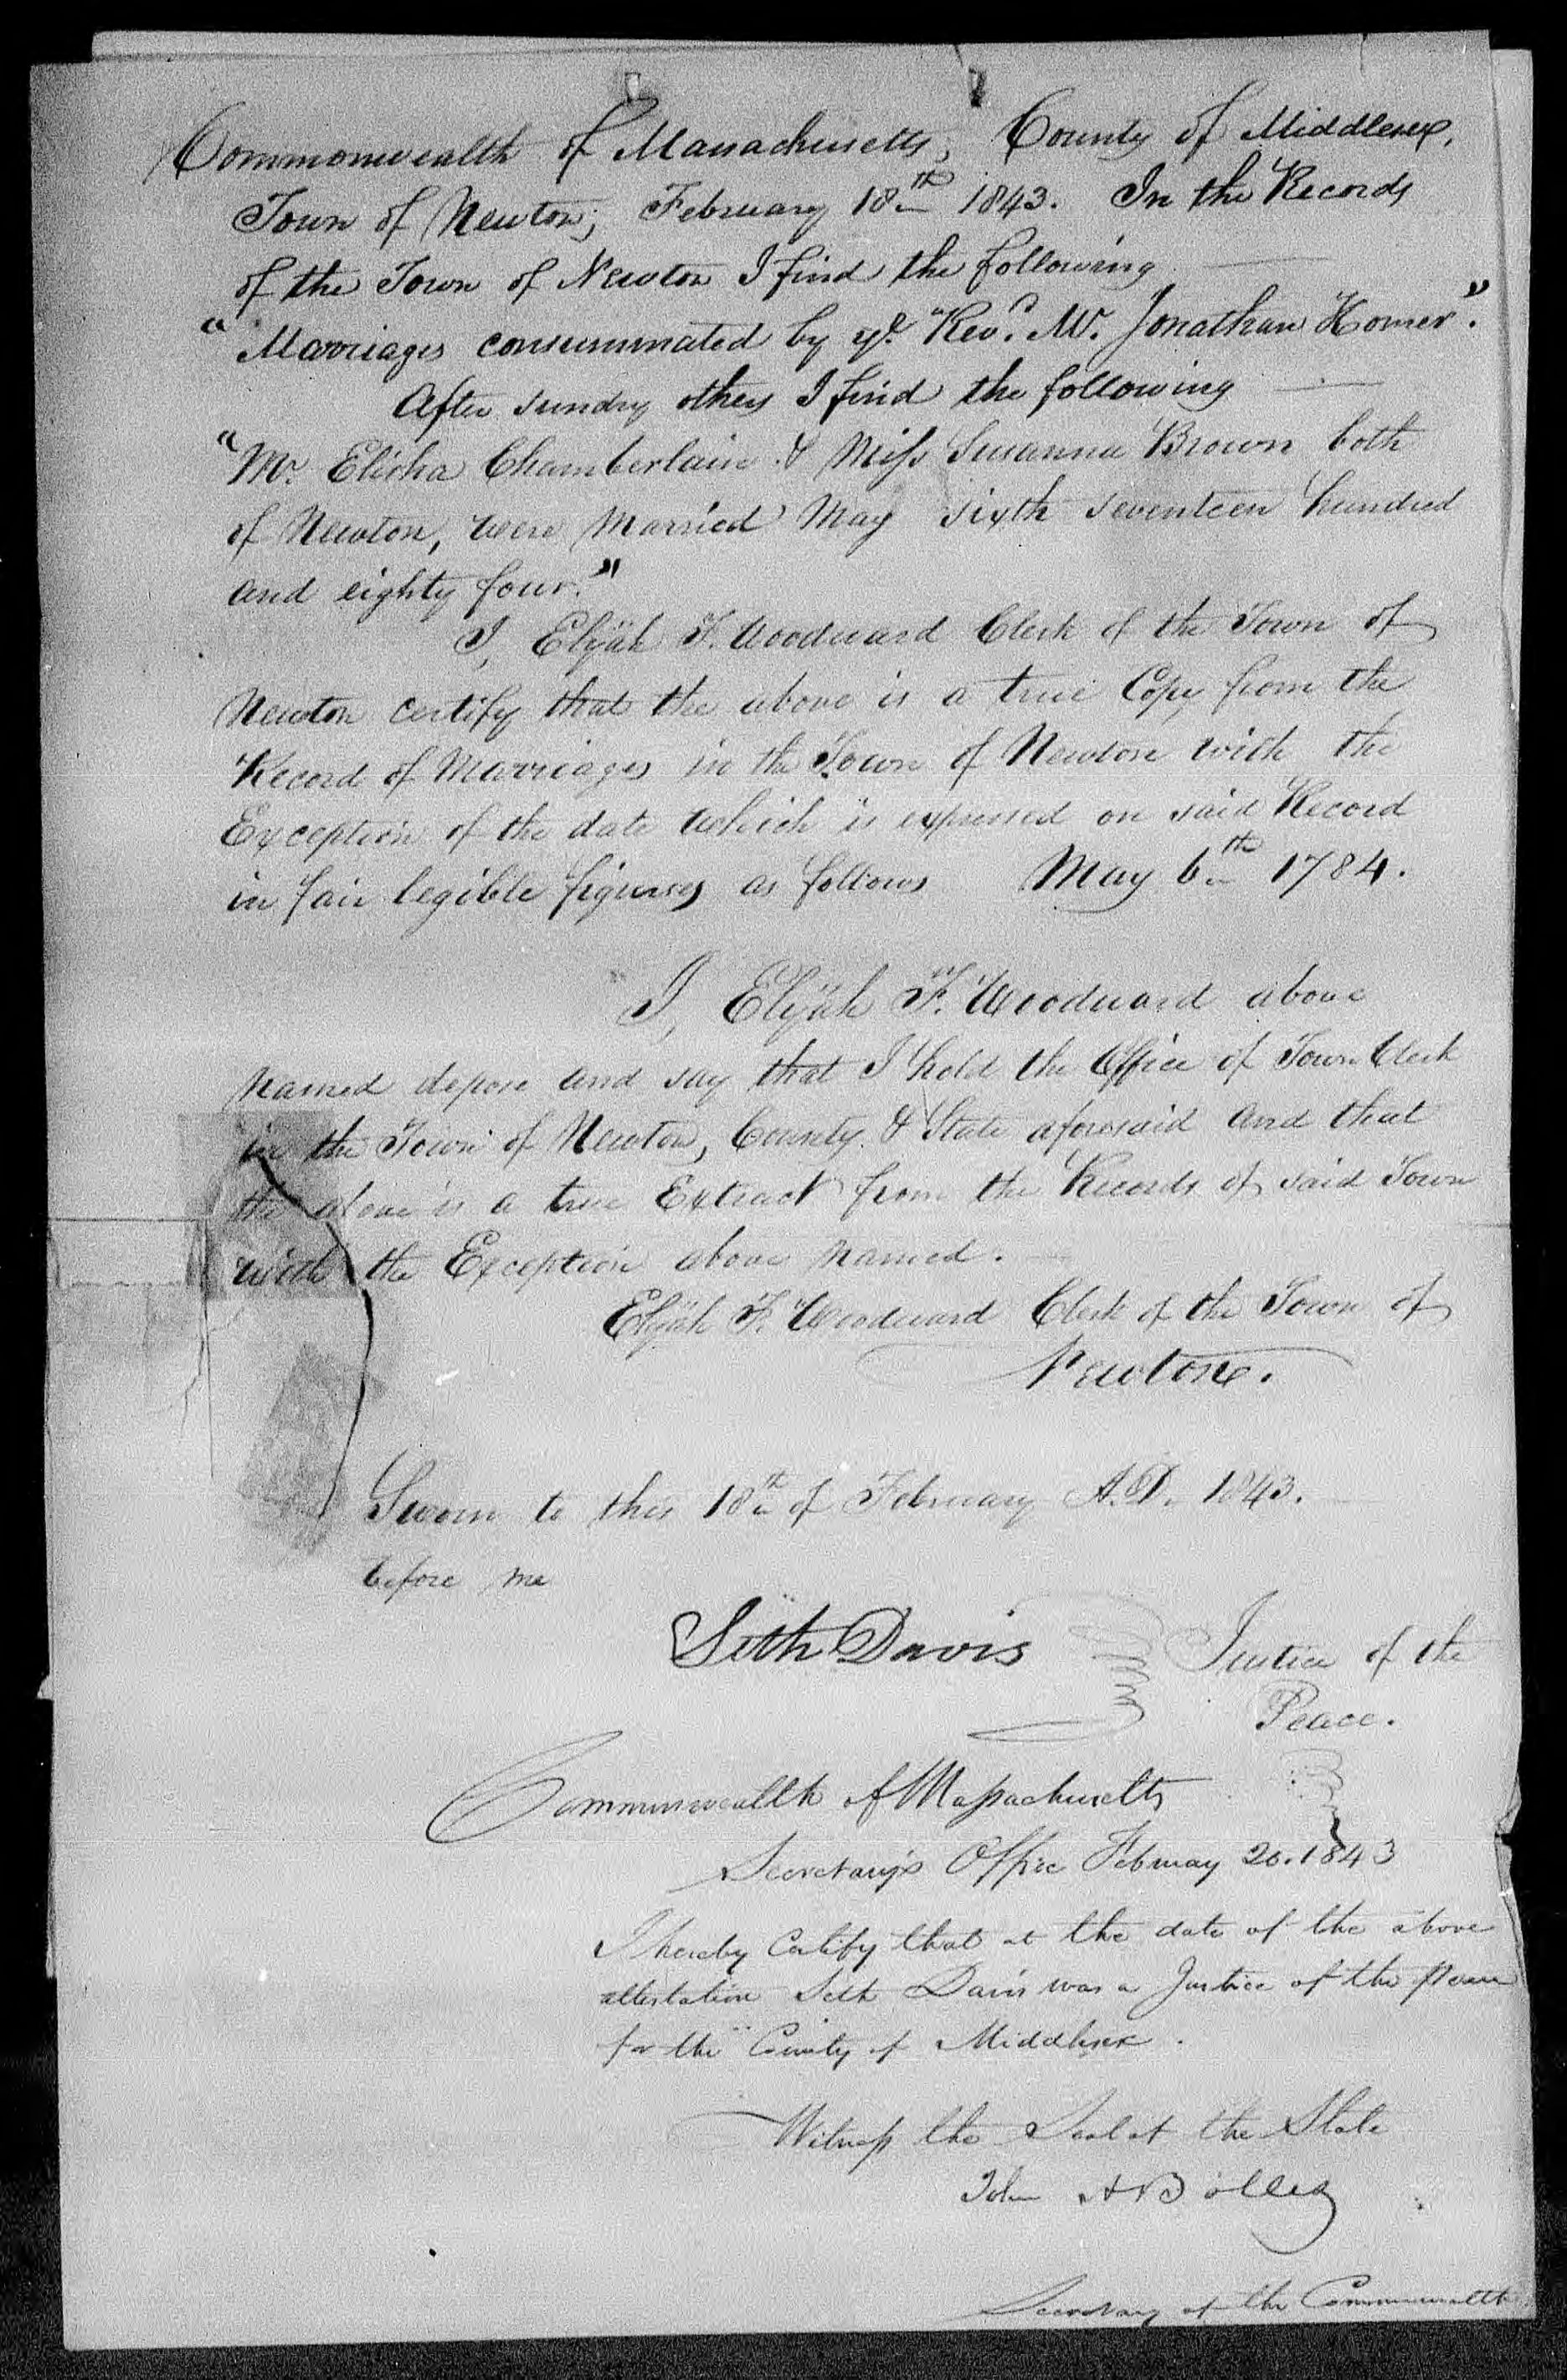Commonwealth of Massachusetts, County of Middlesex
Town of Newton, February 18th 1843 In the Records
of the Town of Newton I find the following
Marriages consummated by ?? Rev. W. Jonathan Homer
After sundry others I find the following
"Mr. Elijah Chamberlain + Miss Susanna Brown both
of Newton, were married May sixth seventeen hundred
and eighty four"
I, Elijah F. Woodward Clerk of the Town of
Newton certify that the above is a true Copy from the
Record of Marriages in the Town of Newton with the
Exception that the date which is expressed on said Record
in fair legible figures as follows  May 6th 1784

I, Elijah F. Woodward above
named depose and say that I hold the Office of Town Clerk
in the Town of Newton, County & State aforesaid and that
the above is a true Extract from the Records of said Town
with the exception above named.
Elijah F. Woodward Clerk of the Town of 
Newton
Sworn to this 18th of February A.D. 1843
before me
Seth Davis Justice of the
Peace
Commonwealth of Massachusetts
Secretary's Office February 20 1843
I hearby certify that at the date of the above
attestation Seth Davis was a Justice of the Peace
for the County of Middlesex
Witness the Seal of the State
John A Bolles
Secretary of the Commonwealth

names: Elisha Chamberlain, John A Bolles, Elijah F Woodward, Elijah F Woodward, Jonathan Homer, Susanna Brown, Elijah F Woodward, Seth Davis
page: 12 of 24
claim: rejected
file: R. 1835, Elisha Chamberlain, Mass.